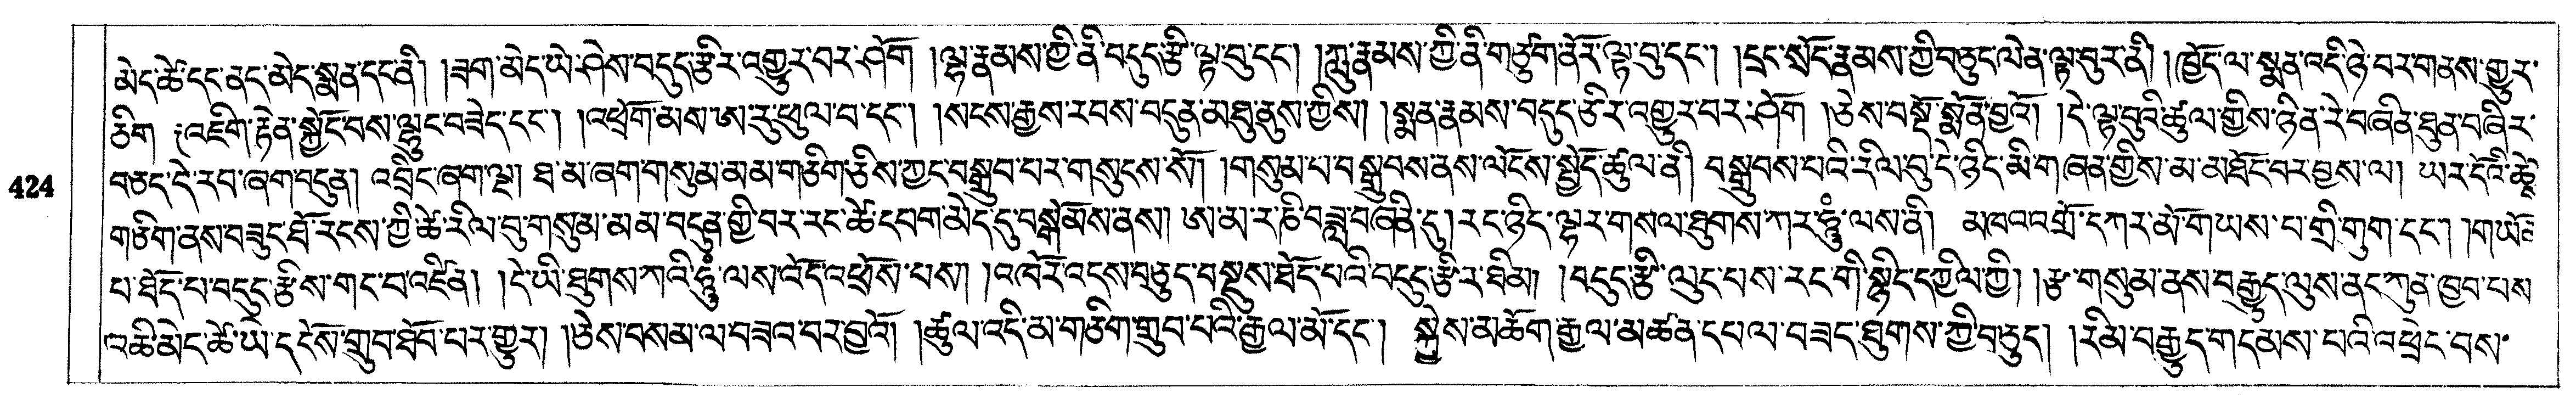མེད་ཚེ་དང་ནད་མེད་སྨན་དང་ནི། །ཟག་མེད་ཡེ་ཤེས་བདུད་རྩིར་འགྱུར་བར་ཤོག །ལྷ་རྣམས་ཀྱི་ནི་བདུད་རྩི་ལྟ་བུ་དང་། །ཀླུ་རྣམས་ཀྱི་ནི་གཙུག་ནོར་ལྟ་བུ་དང་། །དྲང་སྲོང་རྣམས་ཀྱི་བཅུད་ལེན་ལྟ་བུར་ནི། །ཁྱོད་ལ་སྨན་འདི་ཉེ་བར་གནས་གྱུར་
ཅིག ༑འཇིག་རྟེན་སྐྱོང་བས་ལྷུང་བཟེད་དང་། །འཕྲོག་མས་ཨ་རུ་ཕུལ་བ་དང་། །སངས་རྒྱས་རབས་བདུན་མཐུ་ནུས་ཀྱིས། །སྨན་རྣམས་བདུད་ཅིར་འགྱུར་བར་ཤོག །ཅེས་བསྔོ་སྨོན་བྱའོ། །དེ་ལྟ་བུའི་ཚུལ་གྱིས་ཉིན་རེ་བཞིན་ཐུན་བཞིར་
བཅད་དེ་རབ་ཞག་བདུན། འབྲིང་ཞག་ལྔ། ཐ་མ་ཞག་གསུམ་མམ་གཅིག་ཅིས་ཀྱང་བསྒྲུབ་པར་གསུངས་སོ། །གསུམ་པ་བསྒྲུབས་ནས་ལོངས་སྤྱོད་ཚུལ་ནི། བསྒྲུབས་པའི་རིལ་བུ་དེ་ཉིད་མི་གཞན་གྱིས་མ་མཐོང་བར་བྱས་ལ། ཡར་དོའི་ཚེས་
གཅིག་ནས་བཟུང་ཐོ་རངས་ཀྱི་ཚེ་རིལ་བུ་གསུམ་མམ་བདུན་གྱི་བར་རང་ཚེ་དཔག་མེད་དུ་བསྒོམས་ནས། ཨ་མ་ར་ཎི་བཟླ་བཞིན་དུ། རང་ཉིད་ལྷར་གསལ་ཐུགས་ཀར་ཧཱུཾ་ལས་ནི། མཁའ་འགྲོ་དཀར་མོ་གཡས་པ་གྲི་གུག་དང་། །གཡོན་
པ་ཐོད་པ་བདུད་རྩིས་གང་བ་འཛིན། །དེ་ཡི་ཐུགས་ཀའི་ཧཱུཾ་ལས་འོད་འཕྲོས་པས། །འཁོར་འདས་བཅུད་བསྡུས་ཐོད་པའི་བདུད་རྩིར་ཐིམ། །བདུད་རྩི་ལུང་པས་རང་གི་སྙིང་དཀྱིལ་གྱི། །རྩ་གསུམ་ནས་བརྒྱུད་ལུས་ནང་ཀུན་ཁྱབ་པས་
འཆི་མེད་ཚེ་ཡི་དངོས་གྲུབ་ཐོབ་པར་གྱུར། །ཅེས་བསམ་ལ་བཟའ་བར་བྱའོ། །ཚུལ་འདི་མ་གཅིག་གྲུབ་པའི་རྒྱལ་མོ་དང་། སྐྱེས་མཆོག་རྒྱལ་མཚན་དཔལ་བཟང་ཐུགས་ཀྱི་བཅུད། །རིམ་བརྒྱུད་གདམས་པའི་ཕྲེང་བས་